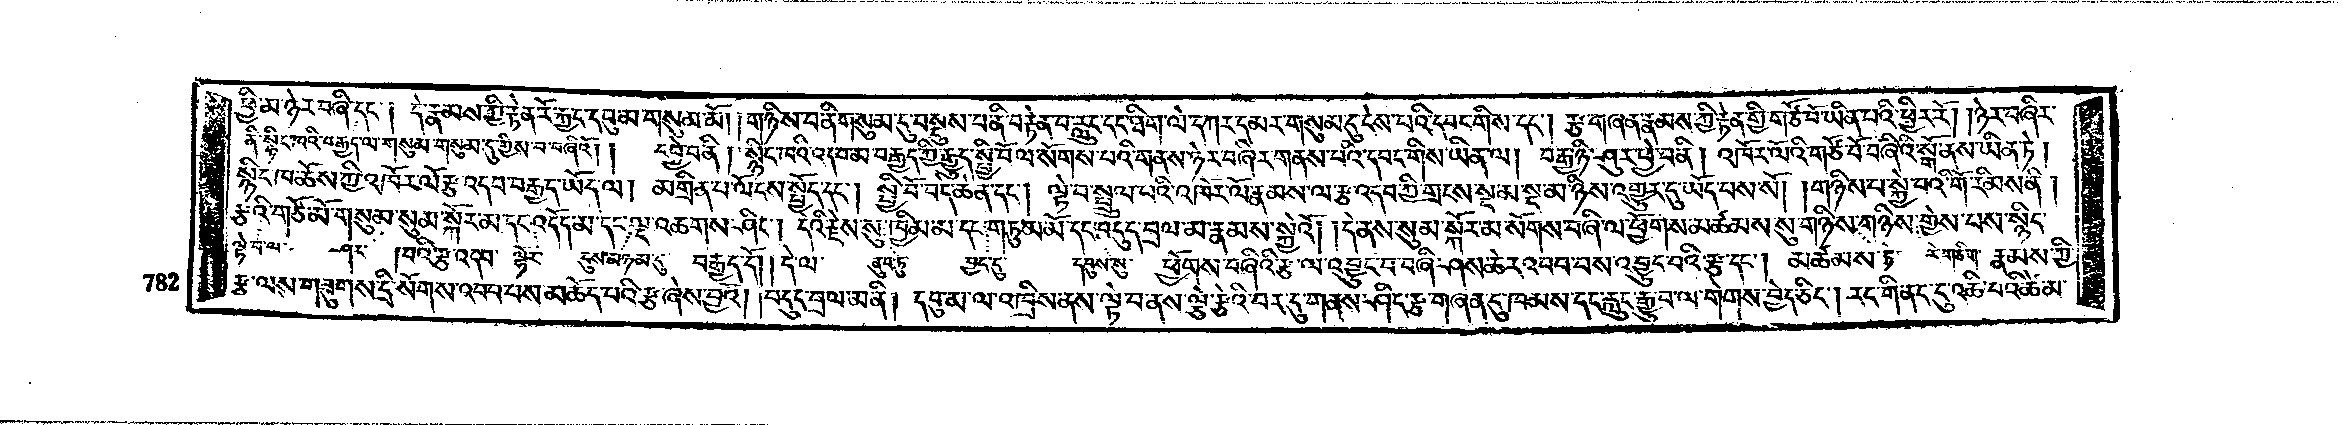ཕྱི་མ་ཉེར་བཞི་དང་། དེ་རྣམས་ཀྱི་རྟེན་རོ་རྐྱང་དབུ་མ་གསུམ་མོ། །གཉིས་པ་ནི་གསུམ་དུ་བསྡུས་པ་ནི་བརྟེན་པ་རླུང་དང་ཐིག་ལེ་དཀར་དམར་གསུམ་དུ་ངེས་པའི་དབང་གིས་དང་། རྩ་གཞན་རྣམས་ཀྱི་རྟེན་གྱི་གཙོ་བོ་ཡིན་པའི་ཕྱིར་རོ། །ཉེར་བཞིར་
ནི་སྙིང་ཁའི་བརྒྱད་ལ་གསུམ་གསུམ་དུ་གྱེས་པ་བཞིའོ།  །དབྱེ་བ་ནི། སྙིང་ཁའི་འདབ་མ་བརྒྱད་ཀྱི་རྒྱུད་སྤྱི་བོ་ལ་སོགས་པའི་གནས་ཉེར་བཞིར་གནས་པའི་དབང་གིས་ཡིན་ལ། བརྒྱ་ཉི་ཤུར་ཕྱེ་བ་ནི། འཁོར་ལོའི་གཙོ་བོ་བཞིའི་སྒོ་ནས་ཡིན་ཏེ།
སྙིང་ཁ་ཆོས་ཀྱི་འཁོར་ལོ་རྩ་འདབ་བརྒྱད་ཡོད་ལ། མགྲིན་པ་ལོངས་སྤྱོད་དང་། སྤྱི་བོ་བདེ་ཆེན་དང་། ལྟེ་བ་སྤྲུལ་པའི་འཁོར་ལོ་རྣམས་ལ་རྩ་འདབ་ཀྱི་གྲངས་སྔ་མ་སྔ་མ་ཉིས་འགྱུར་དུ་ཡོད་པས་སོ། །གཉིས་པ་སྐྱེ་བའི་གོ་རིམས་ནི།
རྩའི་གཙོ་མོ་གསུམ་སུམ་སྐོར་མ་དང་འདོད་མ་དང་ལྔ་འཆགས་ཤིང་། དེའི་རྗེས་སུ་ཁྱིམ་མ་དང་གཏུམ་མོ་དང་བདུད་བྲལ་མ་རྣམས་སྐྱེའོ། །དེ་ནས་སུམ་སྐོར་མ་སོགས་བཞི་ལ་ཕྱོགས་མཚམས་སུ་གཉིས་གཉིས་གྱེས་པས་སྙིང་
ལྟེ་བ་ལ་ཤར་།བའི་རྩ་འདབ་ལྷོར་དུས་མཉམ་དུ་བརྒྱད་དོ། །དེ་ལ་ནུབ་ཏུ་བྱང་དུ་དབུས་སུ་ཕྱོགས་བཞིའི་རྩ་ལ་འབྱུང་བ་བཞི་ཤས་ཆེར་འབབ་པས་འབྱུང་བའི་རྩ་དང་། མཚམས་ཏེ་རེ་གཅིག་རྣམས་ཀྱི་
རྩ་ལས་གཟུགས་དྲི་སོགས་འབབ་པས་མཆོད་པའི་རྩ་ཞེས་བྱའོ། །བདུད་བྲལ་མ་ནི། དབུ་མ་ལ་འཁྲིས་ནས་ལྟེ་བ་ནས་ལྕེ་རྩེའི་བར་དུ་གནས་ཤིང་རྩ་གཞན་དུ་ཁམས་དང་རླུང་རྒྱུ་བ་ལ་འགེགས་བྱེད་ཅིང་། རང་གི་ནང་དུ་འཆི་བའི་ཚེ་མ་